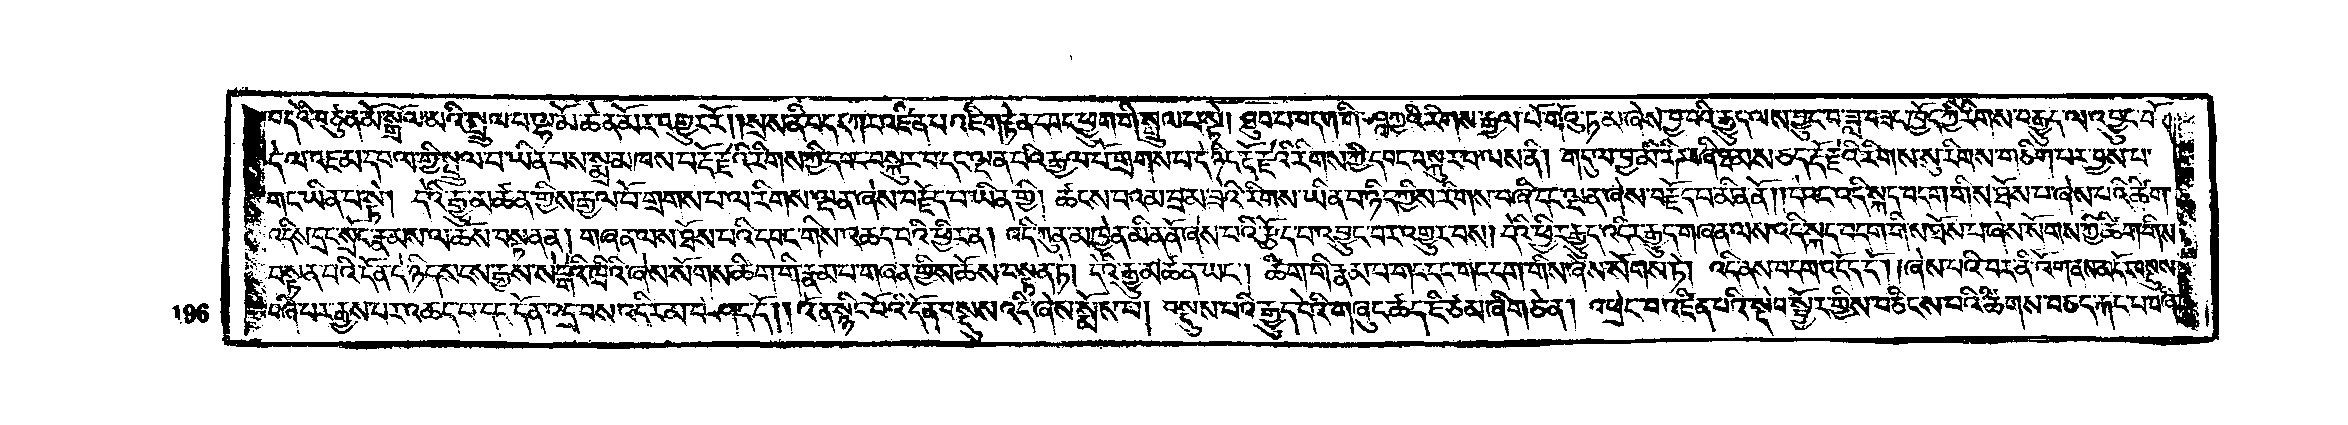བདེའི་བཙུན་མོ་སྒྲོལ་མའི་སྤྲུལ་པ་ལྷ་མོ་ཆེན་མོར་འགྱུར་རོ། །སྲས་ནི་པད་དཀར་འཛིན་པ་འཇིག་རྟེན་དབང་ཕྱུག་གི་སྤྲུལ་པ་སྟེ། ཐུབ་པ་བདག་གི་ཤཱཀྱའི་རིགས་རྒྱལ་པོ་གོའུ་ཏ་མ་ཞེས་བྱ་བའི་རྒྱུད་ལས་བྱུང་བ་ཟླ་བཟང་ཁྱོད་ཀྱི་རིགས་བརྒྱུད་ལ་འབྱུང་བའོ།
དེ་ལ་འཇམ་དཔལ་གྱི་སྤྲུལ་པ་ཡིན་པས་སྨྲ་མཁས་པ་རྡོ་རྗེའི་རིགས་ཀྱི་དབང་བསྐུར་བ་དང་ལྡན་པའི་རྒྱལ་པོ་གྲགས་པ་དེ་ཉིད་རྡོ་རྗེའི་རིགས་ཀྱི་དབང་བསྐུར་བ་ལས་ནི། གདུལ་བྱ་མི་རིཌ་བཞི་ཐམས་ཅད་རྡོ་རྗེའི་རིགས་སུ་རིགས་གཅིག་པར་བྱས་པ་
གང་ཡིན་པ་སྟེ། དེའི་རྒྱུ་མཚན་གྱིས་རྒྱལ་པོ་གྲགས་པ་ལ་རིགས་ལྡན་ཞེས་བརྗོད་པ་ཡིན་གྱི། ཚང་པའམ་བྲམ་ཟེའི་རིགས་ཡིན་པ་ཉིད་ཀྱིས་རིགས་བཞི་དང་ལྡན་ཞེས་བརྗོད་པ་མིན་ནོ། །དབང་འདི་སྐད་བདག་གིས་ཐོས་པ་ཞེས་པའི་ཚིག་
འདིས་དྲང་སྲོང་རྣམས་ལ་ཆོས་བསྟན་ན། གཞན་ལས་ཐོས་པའི་དབང་གིས་འཆད་པའི་ཕྱིར་ན། འདི་ཀུན་མཁྱེན་མིན་ནོ་ཞེས་པའི་རྩོད་པ་འབྱུང་བར་འགྱུར་བས། དེའི་ཕྱིར་རྒྱུད་འདིར་རྒྱུད་གཞན་ལས་འདི་སྐད་བདག་གིས་ཐོས་པ་ཞེས་སོགས་ཀྱི་ཚིག་གིས་
བསྟན་པའི་དོན་དེ་ཉིད་སངས་རྒྱས་སེངྒེའི་ཁྲིའི་ཞེས་སོགས་ཚིག་གི་རྣམ་པ་གཞན་གྱིས་ཆོས་བསྟན་ཏེ། དེའི་རྒྱུ་མཚན་ཡང་། ཚིག་གི་རྣམ་པ་གང་དང་གང་དག་གིས་ཞེས་སོགས་ཏེ། འདི་ནས་བདག་འདོད་དོ། །ཞེས་པའི་བར་ནི་འོག་ནས་མདོར་བསྡུས་
བཞི་པར་རྒྱས་པར་འཆད་པ་དང་དོན་འདྲ་བས་འདིར་མ་བཤད་དོ། །འོ་ན་སྙིང་པོའི་དོན་བསྡུས་འདི་ཞེས་སྨོས་པ། བསྡུས་པའི་རྒྱུད་དེའི་གཞུང་ཚད་ཇི་ཙམ་ཞིག་ཅེ་ན། འཕྲེང་བ་འཛིན་པའི་སྡེབ་སྦྱོར་གྱིས་བཅིངས་པའི་ཚིགས་བཅད་རྐང་པ་བཞི་